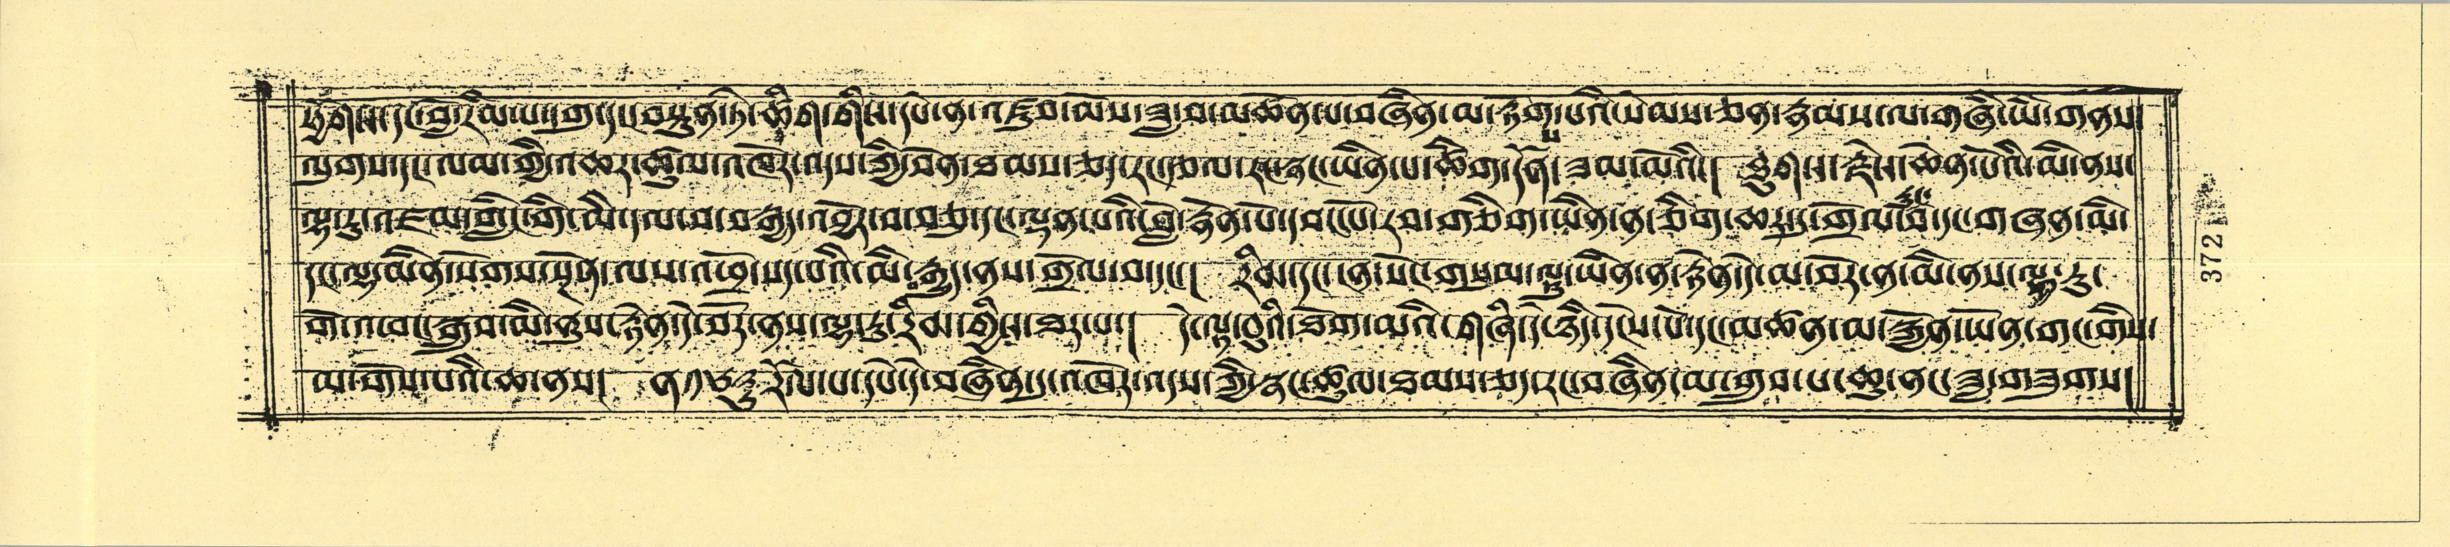༼ཕྱོགས་༽དང་བློ་རིམ་པ་དགུ་དང་བསྟུན་ཏེ་ ༼ཚིག་གིས་༽དཔེ་ན་འཛུབ་མོས་ཟླ་བ་མཚན་པ་བཞིན་མ་རྟོགས་པའི་སེམས་ཅན་རྣམས་ལ་གཞི་ཡི་གནས་
ལུགས་དང་ལམ་གྱི་འཆར་ཚུལ་འཁོར་འདས་ཀྱི་བོན་ཐམས་ཅད་རང་རྩལ་རང་སྣང་ཡིན་པ་ཚིག་ ༼དོན་༽ཟམ་མོའི། ༼ཐུགས་རྗེས་༽ཆེན་པོའི་མི་ནས་
ལྷ་རུ་འཛམ་གླིང་གི་མི་དལ་བ་བརྒྱད་འབྱོར་བ་བཅུ་དང་ལྡན་པའི་བློ་རྣོན་པོ་དབང་པོ་རབ་གཅིག་ཡིན་ན་ཅིག་ཆར་དུ་གྲོལ་རུང་བ་དང་གཞན་མི་
དང་ལྷ་མིན་སོགས་སྔོན་ལས་འཕྲོ་སད་པའི་མི་རྒྱུད་ནས་གྲོལ་བ་དང། ༼རིམ་དང་༽ངན་སོང་གསུམ་ལྟ་བུ་ཡིན་ན་རྟེན་དེ་མ་བོར་ན་མི་ནས་ལྷ་རུ་
གོ་འཕང་སྒྲུབ་མི་ནུས་རྟེན་དེ་བོར་ནས་ལྷ་རུ་ ༼རིམ་གྱིས་༽ཐར་པ། དེ་ ༼ལྟ་བུའི་༽ཐོག་མའི་ ༼གཞི་༽དེ་ཉིད་དངོས་པོ་དང་མཚན་མ་སྐྱོན་ཡོན་གང་གིས་
མ་གོས་པའི་ཆ་ནས། ན༡༦༢།༦ ༼རོལ་པ་༽དཔེ་དེ་བཞིན་དུ་འཁོར་འདས་ཀྱི་སྣང་ཚུལ་ཐམས་ཅད་རང་བཞིན་མ་གྲུབ་པ་ཆུ་ནང་ཟླ་གཟུགས་